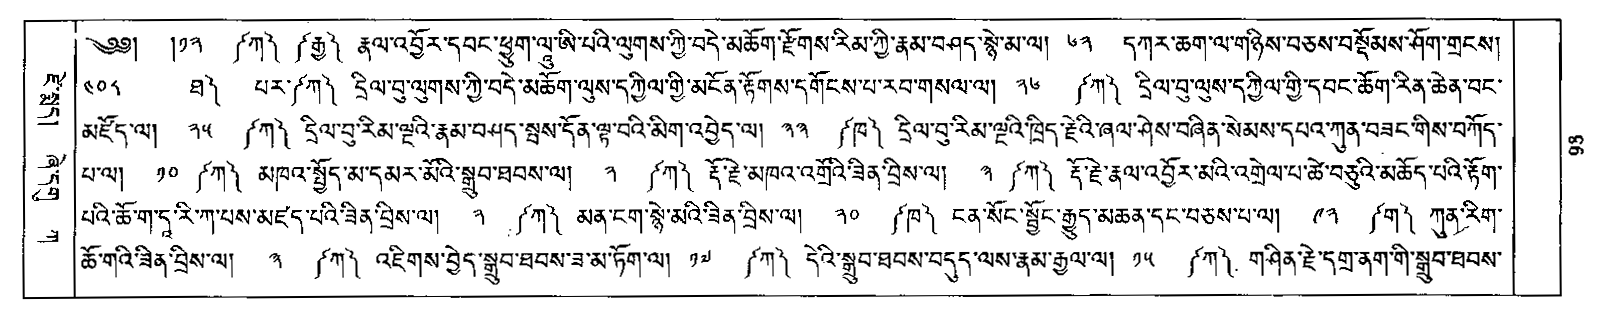༄༅། །༡༢་?ཀ༼་?རྒྱ༽ རྣལ་འབྱོར་དབང་ཕྱུག་ལཱུའི་པའི་ལུགས་ཀྱི་བདེ་མཆོག་རྫོགས་རིམ་གྱི་རྣམ་བཤད་སྙེ་མ་ལ། ༦༢་དཀར་ཆག་ལ་གཉིས་བཅས་བསྡོམས་ཤོག་གྲངས།
༤༠༨་ཐ༼་པར་?ཀ༽ དྲིལ་བུ་ལུགས་ཀྱི་བདེ་མཆོག་ལུས་དཀྱིལ་གྱི་མངོན་རྟོགས་དགོངས་པ་རབ་གསལ་ལ། ༢༦་?ཀ་དྲིལ་བུ་ལུས་དཀྱིལ་གྱི་དབང་ཆོག་རིན་ཆེན་བང་
མཛོད་ལ། ༢༥་?ཀ༼་དྲིལ་བུ་རིམ་ལྔའི་རྣམ་བཤད་སྦས་དོན་ལྟ་བའི་མིག་འབྱེད་ལ། ༣༣་?ཁ༽ དྲིལ་བུ་རིམ་ལྔའི་ཁྲིད་རྗེའི་ཞལ་ཤེས་བཞིན་སེམས་དཔའ་ཀུན་བཟང་གིས་བཀོད་
པ་ལ། ༡༠་?ཀ༼་མཁའ་སྤྱོད་མ་དམར་མོའི་སྒྲུབ་ཐབས་ལ། ༢་?ཀ༽ རྡོ་རྗེ་མཁའ་འགྲོའི་ཟིན་བྲིས་ལ། ༣་?ཀ་རྡོ་རྗེ་རྣལ་འབྱོར་མའི་འགྲེལ་པ་ཚེ་བཅུའི་མཆོད་པའི་རྟོག་
པའི་ཆོ་ག་དཱ་རི་ཀ་པས་མཛད་པའི་ཟིན་བྲིས་ལ། ༢་?ཀ༼་མན་ངག་སྙེ་མའི་ཟིན་བྲིས་ལ། ༢༠་?ཁ༽ ངན་སོང་སྦྱོང་རྒྱུད་མཆན་དང་བཅས་པ་ལ། ༤༢་?ག་ཀུན་རིག་
ཆོ་གའི་ཟིན་བྲིས་ལ། ༣་?ཀ༼་འཇིགས་བྱེད་སྒྲུབ་ཐབས་ཟ་མ་ཏོག་ལ། ༡༧་?ཀ༽ དེའི་སྒྲུབ་ཐབས་བདུད་ལས་རྣམ་རྒྱལ་ལ། ༡༥་?ཀ་གཤིན་རྗེ་དགྲ་ནག་གི་སྒྲུབ་ཐབས་